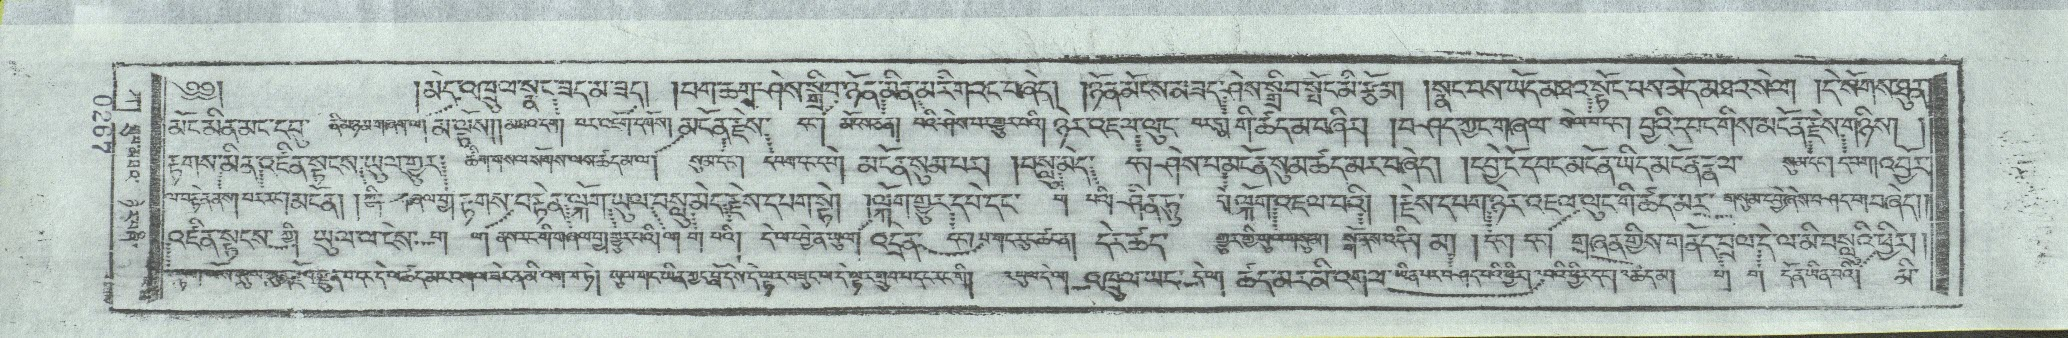༄༅། །མེད་འཁྲུལ་སྣང་ཟད་མ་ཟད། །བག་ཆགས་ཤེས་སྒྲིབ་ཉོན་མིན་མ་རིགཱང་བཞེད། །ཉོན་མོངས་མྯད་ཤེས་སྒྲིབ་སྦོང་མི་རྩོམ། །སྣང་བས་ཡོད་མཐའ་སྟོང་བས་མེད་མཐའ་སེལ། །དེ་སོགས་ཐུན་
མོད་མིན་མང་དབུ་ནི་མཉམ་གཞག་ལ། མ་ལྟོས། །མཐའ་དག། བར་བྗོག་དགོས། མངོན་རྗེས། དང་། མོས་ཅན། པའི་ཤེས་པར་གྱུར་བའི། ཉེར་འཇལ་ལུང་བར་དུ། གི་ཚད་མ་བཞི་པ། །བཤད་ཀྱང་གཞལ་སེལ་བ་དང་བྱའི་དབང་གིས་མངོན་རྗེས་གཉིས། །
རྟགས་མིན་འཛིན་སྟངས་ཡུལ་གྱུར། ????། སུམ་དང་དཔག་དང་དཔེ། མནོང་སུམ་པར། །སླུ་མེད་དང་། ཤེས་པ་མནོང་སུམ་ཚད་མར་བཞེད། །དབྱེ་དོ་དབང་མངོན་ཡིད་མངོན་རྣལ་སུས་དང་། དབག་འབྱོར་
ལ་བརྟེན་ནས། པར་??། མངོན། །གྱི་གཞལ་བྱ། རྟགས་བརྟེན་ལྐོག་ཡུལ་བསླུ་མེད་བརྗེས་དཔག་སྟེ། །ལྐོག་གྱུར་དཔེ་དང་བ། པའི་ཤིན་ཏུ། དེ་ཀློབ་འཇལ་བའི། །རྗེས་དཔག་ཉེར་འཇལ་ལུང་གི་ཚད་མར་གསུམ་དབྱེ་ཞེས་བཤད། །བཞེད་
འཛིན་ཏངས་གི་ཡུལ་ལ་ངེས་པ། །ལ་ན་འང་གི་གཞལ་བྱ། གྱུར་བའི། ལ། བའི། དེ་ལ་དབྱེ་ན་ཁྲུལ། འདྲེན་དང་། པ་གང་རུང་ཚང་ན། དེར་ཚད་བྱུང་གྱི་???གསུར། སྒོ་ནས་འདིར། མ། །དང་དང་། གཞན་གྱིས་གནོད་བྲལ་དེ་ལ་མི་བསྐླུའི་ཕྱིར།
སྟག་ལོས་སུལ་ཀུན་རྫོབ་རྫུན་པ་དང་དེ་ལ་ཚད་མར་འགལ་ཟེར་ན་མི་འགལ་ཏེ། ཡུལ་གང་ཡིན་ཀྱང་བློ་དེས་དེ་ལྟར་བཟུང་ལ་དེ་ལྟར་གྲུབ་པ་དང་དང་གི། འབུལ་དེ་ག། འཁྲུལ་ཡང་དེ་ལ། ཚར་མར་མི་འགལ་ཡིན་པ་བཤད་པའི་ཕྱིར། བའི་ཕྱིར་དང་། ཙད་མ། པ། ལ། དོན་ཡིན་པའི་མི་